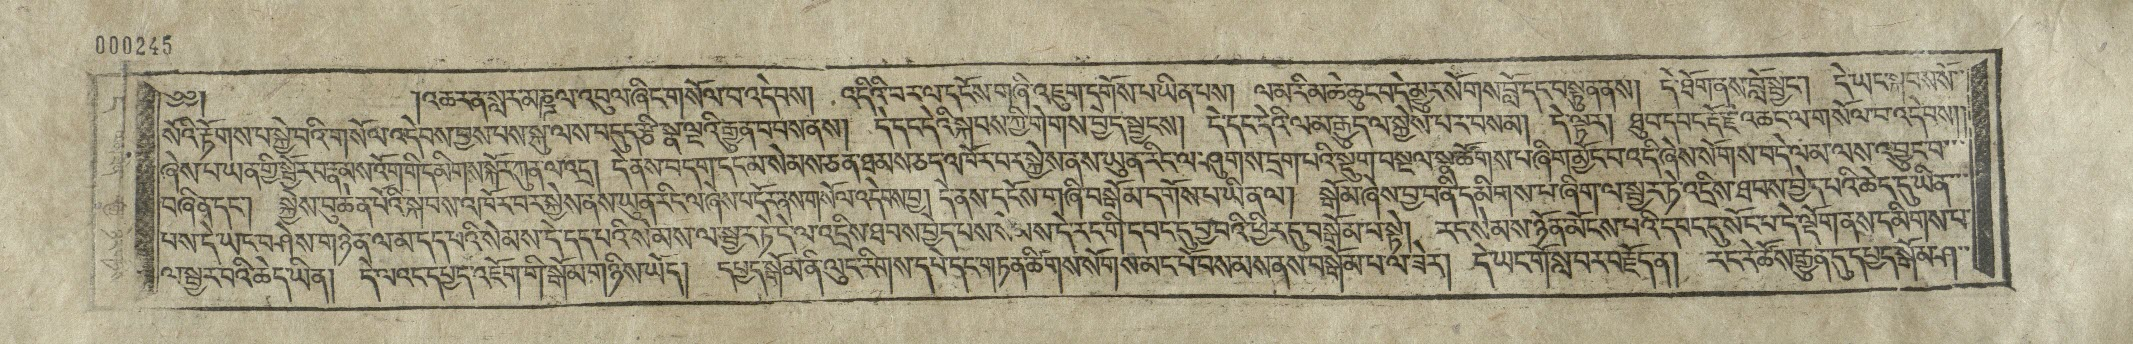༄༅། །འཆར་ན་སླར་མཎྜལ་འབུལ་ཞིང་གསོལ་བ་འདེབས། འདིའི་བར་ལ་དངོས་གཞི་འཇུག་དགོས་པ་ཡིན་པས། ལམ་རིམ་ཆེ་ཆུང་བདེ་མྱུར་སོགས་བློ་དང་བསྟུན་ནས། དེ་ཐོག་ནས་བློ་སྦྱང་། དེ་ཡང་སྐབས་སོ་
སོའི་རྟོགས་པ་སྐྱེ་བའི་གསོལ་འདེབས་བྱས་པས་སྐུ་ལས་བདུད་རྩི་སྣ་ལྔའི་རྒྱུན་བབས་ནས། དེ་དང་དེའི་སྐབས་ཀྱི་གེགས་བྱེད་སྦྱངས། དེ་དང་དེའི་ལམ་རྒྱུད་ལ་སྐྱེས་པར་བསམ། དེ་ལྟར། ཐུབ་དབང་རྡོ་རྗེ་འཆང་ལ་གསོལ་བ་འདེབས། །
ཞེས་པ་ཡན་གྱི་སྦྱོར་བ་རྣམས་འོག་གི་དམིགས་སྐོར་ཀུན་ལ་འདྲ། དེ་ནས་བདག་དང་མ་སེམས་ཅན་ཐམས་ཅད་འཁོར་བར་སྐྱེས་ནས་ཡུན་རིང་ལ་ཤུགས་དྲག་པའི་སྡུག་བསྔལ་སྣ་ཚོགས་པ་ཞིག་མྱོང་བ་འདི་ཞེས་སོགས་བདེ་ལམ་ལས་འབྱུང་བ་
བཞིན་དང་། སྐྱེས་བུ་ཆེན་པོའི་སྐབས་འཁོར་བར་སྐྱེས་ནས་ཡུན་རིང་ལ་ཞེས་པ་དོར་ནས་གསོལ་འདེབས་བྱ། དེ་ནས་དངོས་གཞི་བསྒོམ་དགོས་པ་ཡིན་ལ། སྒོམ་ཞེས་བྱ་བ་ནི་དམིགས་པ་ཞིག་ལ་སྦྱར་ཏེ་འདྲིས་ཐབས་བྱེད་པའི་ཆེད་དུ་ཡིན་
པས་དེ་ཡང་བཤེས་གཉེན་ལ་མ་དད་པའི་སེམས་དེ་དད་པའི་སེམས་ལ་སྦྱར་ཏེ་དེ་ལ་འདྲིས་ཐབས་བྱེད་པས་སེམས་དེ་རང་གི་དབང་དུ་བྱ་བའི་ཕྱིར་དུ་བསྒོམ་པ་སྟེ། རང་སེམས་ཉོན་མོངས་པའི་དབང་དུ་སོང་པ་དེ་ལྡོག་ནས་དམིགས་པ་
ལ་སྦྱར་བའི་ཆེད་ཡིན། དེ་ལའང་དཔྱད་འཇོག་གི་སྒོམ་གཉིས་ཡོད། དཔྱད་སྒོམ་ནི་ལུང་རིགས་དཔེ་དང་གཏན་ཚིགས་སོགས་མང་པོ་བསམས་ནས་བསྒོམ་པ་ལ་ཟེར། དེ་ཡང་གོ་སླ་བར་བརྗོད་ན། རང་རེ་ཚོས་རྒྱུན་དུ་དཔྱད་སྒོམ་ཤ་